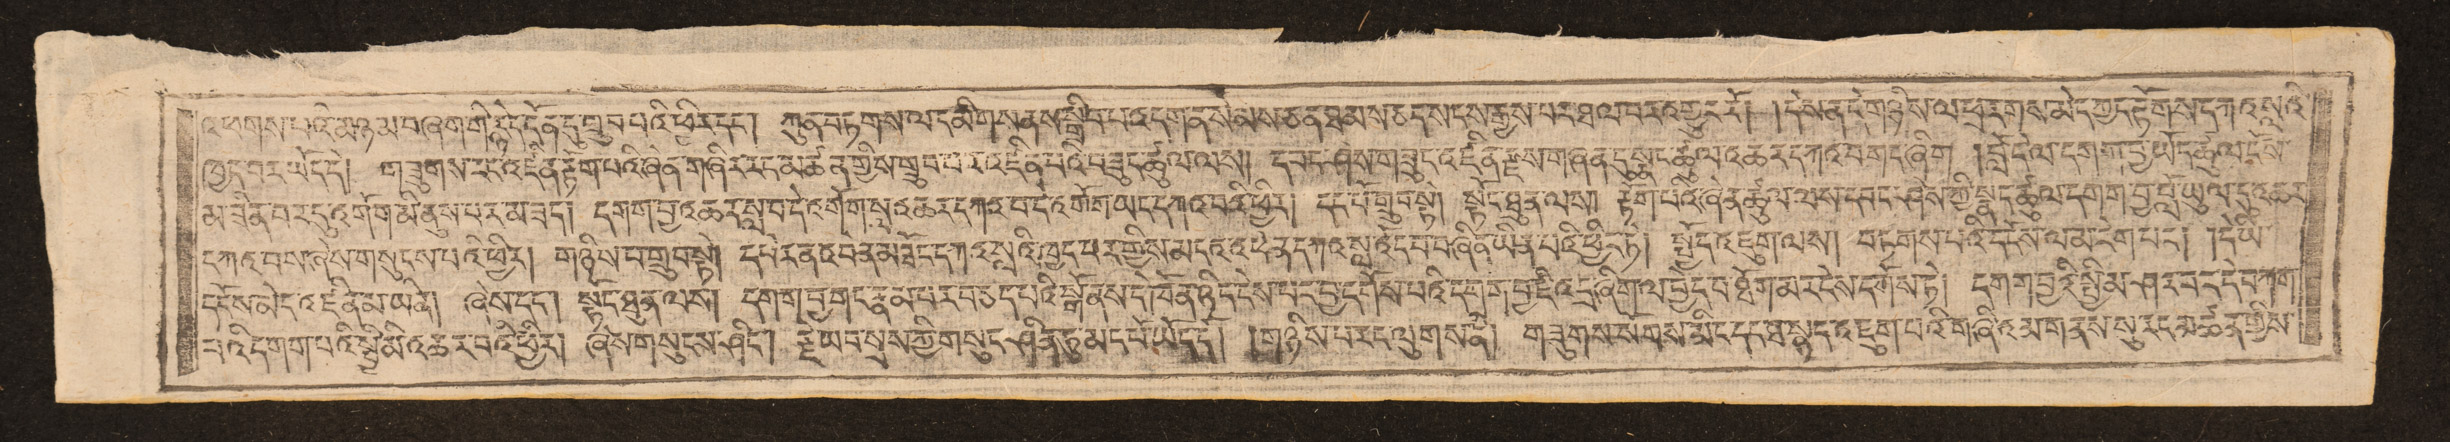འཕགས་པའི་མཉམ་བཞག་གི་རྙེད་དོན་དུ་གྲུབ་པའི་ཕྱིར་དང་། ཀུན་བཏགས་ལ་དམིགས་ནས་སྒྲིབ་པ་འདག་ན་སེམས་ཅན་ཐམས་ཅད་སངས་རྒྱས་པར་ཐལ་བར་འགྱུར་རོ། །དེས་ན་དེ་གཉིས་ལ་ཕྲ་རགས་མེད་ཀྱང་རྟོགས་དཀའ་སླའི་
ཁྱད་པར་ཡོད་དེ། གཟུགས་རང་འཛིན་རྟོག་པའི་ཞེན་གཞིར་རང་མཚན་གྱིས་གྲུབ་པར་འཛིན་པའི་བཟུང་ཚུལ་ལས། དབང་ཤེས་གཟུང་འཛིན་རྫས་གཞན་དུ་སྣང་ཚུལ་འཆར་དཀའ་བ་གང་ཞིག །བློ་དེ་ལ་དགག་བྱ་ཡོད་ཚུལ་ངོས་
མ་ཟིན་བར་དུ་འགོག་མི་ནུས་པར་མ་ཟད། དགག་བྱ་འཆར་སླ་བ་དེ་འགོག་སླ་འཆར་དཀའ་བ་དེ་འགོག་ཡང་དཀའ་བའི་ཕྱིར། དང་པོ་གྲུབ་སྟེ། སྟོང་ཐུན་ལས། རྟོག་པའི་ཞེན་ཚུལ་ལས་དབང་ཤེས་ཀྱི་སྣང་ཚུལ་དགག་བྱ་བློ་ཡུལ་དུ་འཆར་
དཀའ་བས་ཞེས་གསུངས་པའི་ཕྱིར། གཉིས་པ་གྲུབ་སྟེ། དཔེར་ན་འབེན་མཐོང་དཀའ་སླའི་ཁྱད་པར་གྱིས་མདའ་འཕེན་དཀའ་སླ་འོང་བ་བཞིན་ཡིན་པའི་ཕྱིར་ཏེ། སྤྱོད་འཇུག་ལས། བཏགས་པའི་དངོས་ལ་མ་རེག་པར། །དེ་ཡི་
དངོས་མེད་འཛིན་མ་ཡིན། ཞེས་དང་། སྟོང་ཐུན་ལས། དགག་བྱ་གང་རྣམ་པར་བཅད་པའི་སྒོ་ནས་དེ་ཁོ་ན་ཉིད་ངེས་པར་བྱ་དགོས་པའི་དགག་བྱ་ཇི་འདྲ་ཞིག་ལ་བྱེད་པ་ཐོག་མར་ངེས་དགོས་ཏེ། དགག་བྱའི་སྤྱི་མ་ཤར་བར་དེ་བཀག་
པའི་དགག་པའི་སྤྱི་མི་འཆར་བའི་ཕྱིར། ཞེས་གསུངས་ཤིང་། རྗེ་ཡབ་སྲས་ཀྱི་གསུང་ཤིན་ཏུ་མང་པོ་ཡོད་དོ། །གཉིས་པ་རང་ལུགས་ནི། གཟུགས་སོགས་མིང་དང་ཐ་སྙད་འཇུག་པའི་གཞིའམ་གནས་སུ་རང་མཚན་གྱིས་